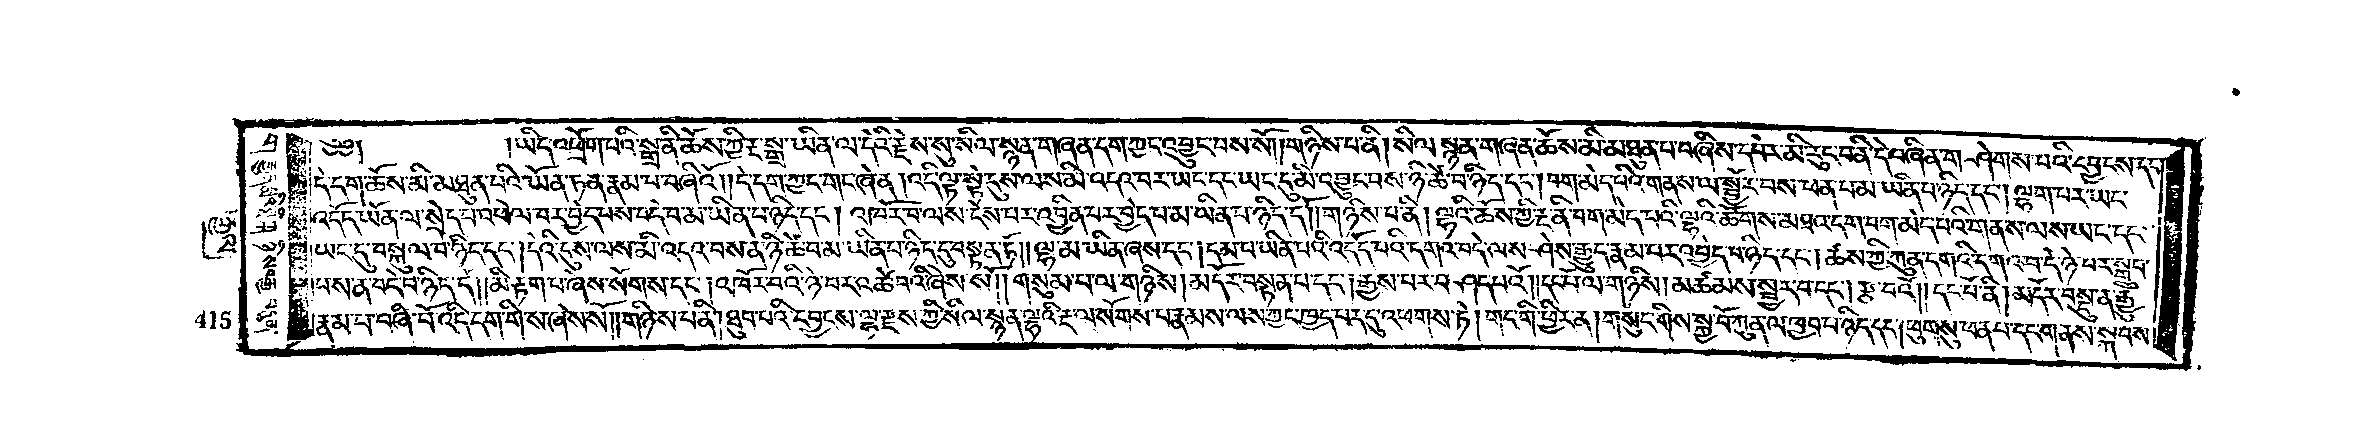༄༅། །ཡིད་འཕྲོག་པའི་སྒྲ་ནི་ཆོས་ཀྱི་རྔ་སྒྲ་ཡིན་ལ་དེའི་རྗེས་སུ་སིལ་སྙན་གཞན་དག་ཀྱང་འབྱུང་བས་སོ། །གཉིས་པ་ནི། སིལ་སྙན་གཞན་ཆོས་མི་མཐུན་པ་བཞིས་དཔེར་མི་རུང་བ་ནི་དེ་བཞིན་གཤེགས་པའི་དབྱངས་དང་
དེ་དག་ཆོས་མི་མཐུན་པའི་ཡོན་ཏན་རྣམ་པ་བཞིའོ། །དེ་དག་ཀྱང་གང་ཞེ་ན། འདི་ལྟ་སྟེ་དུས་ལས་མི་འདའ་བར་ཡང་དང་ཡང་དུ་མི་འབྱུང་བས་ཉི་ཚེ་བ་ཉིད་དང་། བག་མེད་པའི་གནས་ལ་སྦྱོར་བས་ཕན་པ་མ་ཡིན་པ་མ་ཡིན་པ་ཉིད་དང་། ལྷག་པར་ཡང་
འདོད་ཡོན་ལ་སྲེད་པ་འཕེལ་བར་བྱེད་པས་བདེ་བ་མ་ཡིན་པ་ཉིད་དང་། འཁོར་བ་ལས་ངེས་པར་འབྱིན་པར་བྱེད་པ་མ་ཡིན་པ་ཉིད་དོ། །གཉིས་པ་ནི། ལྷའི་ཆོས་ཀྱི་རྔ་ནི་བག་མེད་པའི་ལྷའི་ཚོགས་མཐའ་དག་བག་མེད་པའི་གནས་ལས་ཡང་དང་
ཡང་དུ་བསྐུལ་བ་ཉིད་དང་། དེའི་དུས་ལས་མི་འདའ་བས་ནི་ཉི་ཚེ་བ་མ་ཡིན་པ་ཉིད་དུ་བསྟན་ཏོ། །ལྷ་མ་ཡིན་ཞས་དང་། དམ་པ་ཡིན་པའི་འདོད་པའི་དགའ་བདེ་ལས་ཤེས་རྒྱུད་རྣམ་པར་འབྱེད་པ་ཉིད་དང་། ཚས་ཀྱི་ཀུན་དགའི་དགའ་བ་དེ་ཉེ་བར་སྒྲུབ་
པས་ན་བདེ་བ་ཉིད་དོ། །མི་རྟག་པ་ཞེས་སོགས་དང་། འཁོར་བའི་ཉེ་བར་འཚེ་བའི་ཞེས་སོ། །གསུམ་པ་ལ་གཉིས། མདོར་བསྟན་པ་དང་། རྒྱས་པར་བཤད་པའོ། །དང་པོ་ལ་གཉིས། མཚམས་སྦྱར་བ་དང་། རྩ་བའོ། །དང་པོ་ནི། མདོར་བསྡུ་ན་རྒྱུ་
རྣམ་པ་བཞི་པོ་འདི་དག་གི་ས་ཞེས་སོ། །གཉིས་པ་ནི། ཐུབ་པའི་དབྱངས་ལྷ་རྫས་ཀྱི་སིལ་སྙན་ལྷའི་རྔ་ལ་སོགས་པ་རྣམས་ལས་ཀྱང་ཁྱད་པར་དུ་འཕགས་ཏེ། གང་གི་ཕྱིར་ན། གསུང་གིས་སྐྱ་བོ་ཀུན་ལ་ཁྱབ་པ་ཉིད་དང་། ཕུགས་སུ་ཕན་པ་དང་གནས་སྐབས་